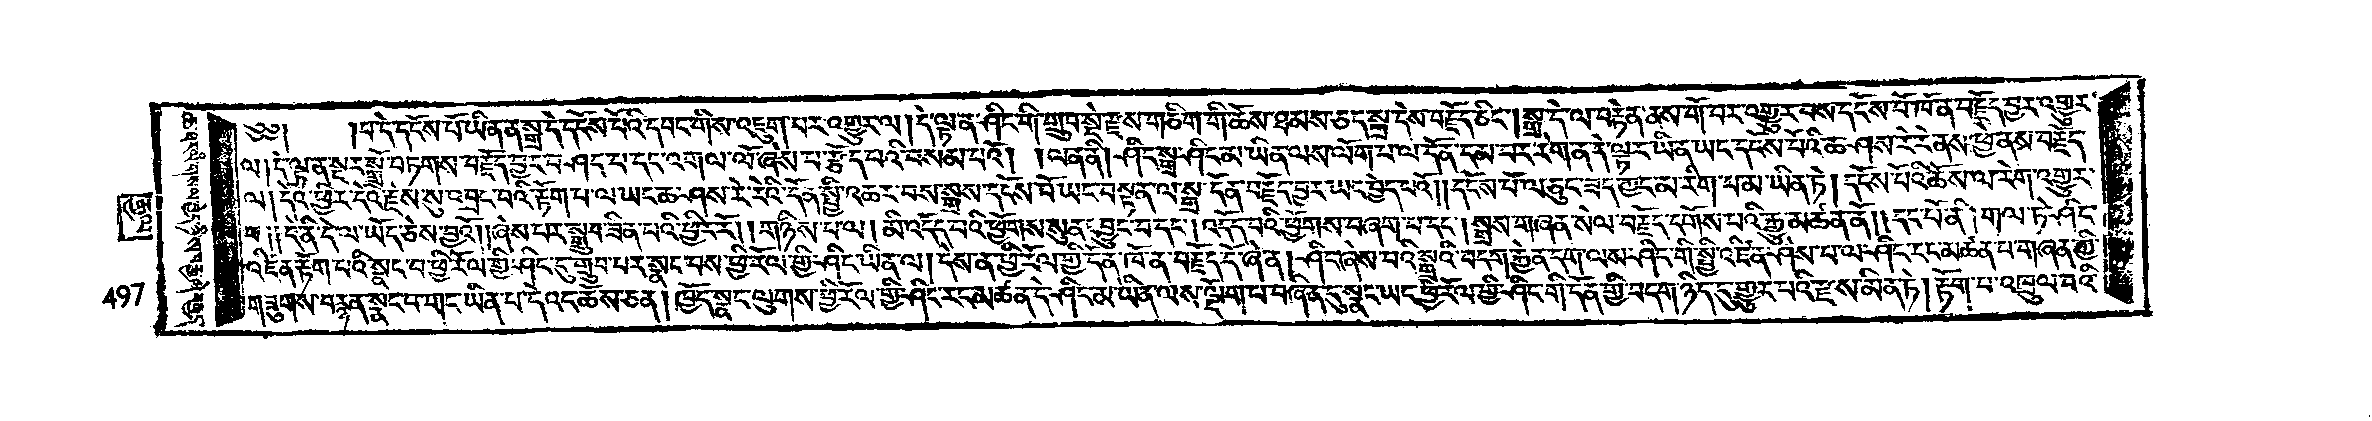༄༅། །པ་དེ་དངོས་པོ་ཡིན་ན་སྒྲ་དེ་དངོས་པོའི་དབང་གིས་འཇུག་པར་འགྱུར་ལ། དེ་ལྟ་ན་ཤིང་གི་གྲུབ་སྡེ་རྫས་གཅིག་གི་ཆོས་ཐམས་ཅད་སྒྲ་དེས་བརྗོད་ཅིང་། སྒྲ་དེ་ལ་བརྟེན་ནས་གོ་བར་འགྱུར་བས་དངོས་པོ་ཁོ་ན་བརྗོད་བྱར་འགྱུར་
ལ། དེ་ལྟ་ན་སྔར་སྒྲོ་བཏགས་བརྗོད་བྱར་བཤད་པ་དང་འགལ་ལོ་ཞེས་པ་རྩོད་པའི་བསམ་པའོ། །ལན་ནི། ཤིང་སྒྲ་ཤིང་མ་ཡིན་ལས་ལོག་པ་ལ་དོན་དམ་པར་རེག་ན་དེ་ལྟར་ཡིན་ཡང་དངོས་པོའི་ཆ་ཤས་རེ་རེ་ནས་ཕྱེ་ནས་བརྗོད་
ལ། དེའི་ཕྱིར་དེའི་རྗེས་སུ་འབྲང་བའི་རྟོག་པ་ལ་ཡང་ཆ་ཤས་རེ་རེའི་དོན་སྤྱི་འཆར་བས་སྒྲས་དངོས་པོ་ཡང་བསྟན་ལ་སྒྲ་དོན་བརྗོད་བྱར་ཡང་བྱེད་པའོ། །དངོས་པོ་ལ་ཅུང་ཟད་ཀྱང་མ་རིག་པ་མ་ཡིན་ཏེ། དངོས་པོའི་ཆོས་ལ་རེག་འགྱུར་
བ། །དེ་ནི་དེ་ལ་ཡོད་ཅེས་བྱའོ། །ཞེས་པར་སྒྲུབ་ཟིན་པའི་ཕྱིར་རོ། །གཉིས་པ་ལ། མི་འདོད་པའི་ཕྱོགས་སུན་འབྱུང་བ་དང་། འདོད་པའི་ཕྱོགས་བཞག་པ་དང་། སྒྲས་གཞན་སེལ་བརྗོད་དགོས་པའི་རྒྱུ་མཚན་ནོ། །དང་པོ་ནི། གལ་ཏེ་ཤིང་
འཛིན་རྟོག་པའི་སྣང་བ་ཕྱི་རོལ་གྱི་ཤིང་དུ་གྲུབ་པར་སྣང་བས་ཕྱི་རོལ་གྱི་ཤིང་ཡིན་ལ། དེས་ན་ཕྱི་རོལ་གྱི་དོན་ཁོ་ན་བརྗོད་དོ་ཞེ་ན། ཤིང་ཞེས་པའི་སྒྲའི་བདག་རྐྱེན་དག་ལས་ཤིང་གི་སྤྱི་འཛིན་ཤེས་པ་ལ་ཤིང་རང་མཚན་པ་གཞན་གྱི་
གཟུགས་བརྙན་སྣང་བ་གང་ཡིན་པ་དེའང་ཆོས་ཅན། ཁྱོད་སྣང་ལུགས་ཕྱི་རོལ་གྱི་ཤིང་རང་མཚན་དེ་ཤིང་མ་ཡིན་ལས་ལྡོག་པ་བཞིན་དུ་སྣང་ཡང་ཕྱི་རོལ་གྱི་ཤིང་གི་དོན་གྱི་བདག་ཉིད་དུ་གྱུར་པའི་རྫས་མིན་ཏེ། རྟོག་པ་འཁྲུལ་པའི་